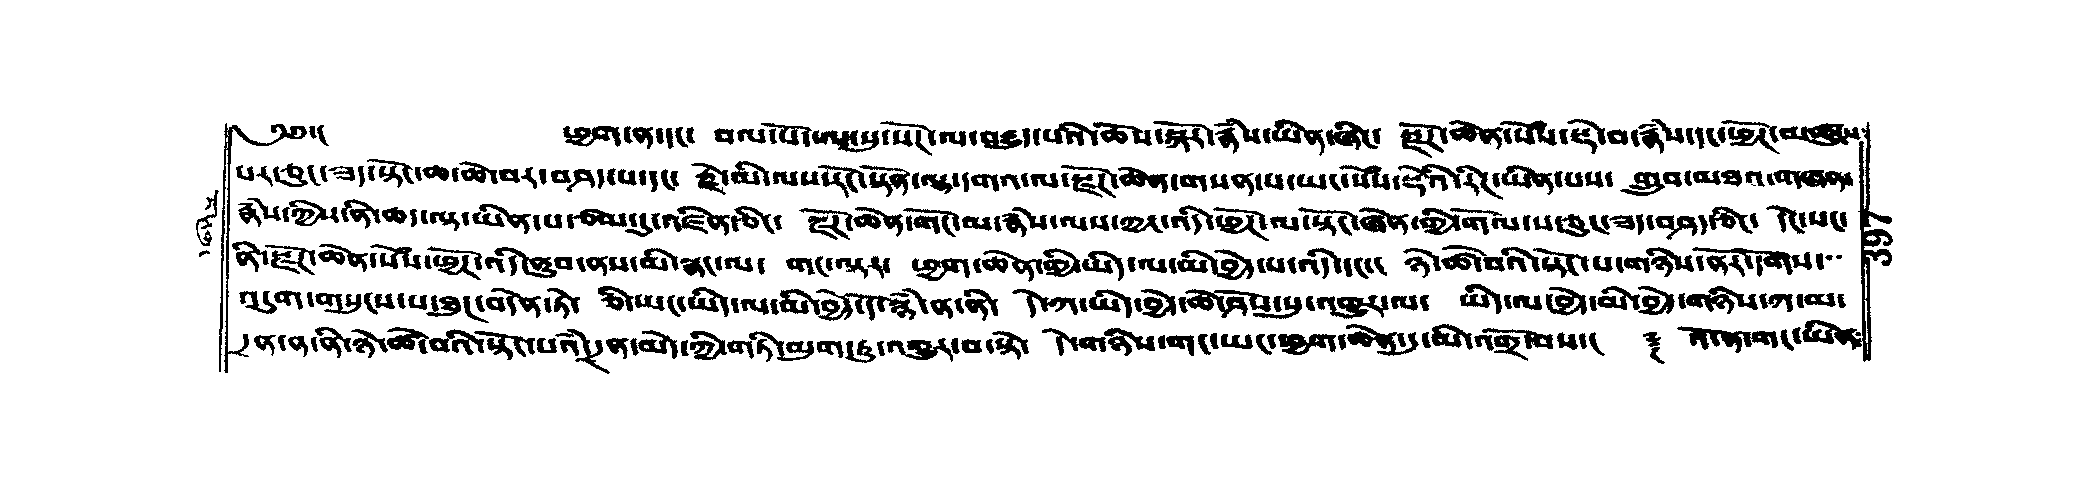ཕྱག་ན་དང་། བལ་པོ་ཨ་སུ་སོགས་ལ་བརྒྱུད་པའི་ཆོས་སྐོར་རྣམས་ཡིན་ཞིང་།རྫོགས་ཆེན་སེམས་སྡེ་བ་རྣམས་དང་ཕྱོགས་མཚུངས་
པར་ཅུང་ཟད་སྟོང་ཆ་ཆེ་བར་བཤད་པ་དང་། རྗེ་མི་ལས་རོང་སྟོན་ལྷ་དགའ་ལས་རྫོགས་ཆེན་གསན་པ་ཡང་སེམས་སྡེའི་རིགས་ཡིན་པས། གྲུབ་མཐའ་གཞན་
རྣམས་ཀྱིས་ནི་ཆད་ལྟ་ཡིན་པ་ཙམ་དུ་འཛིན་ཅིང་། རྫོགས་ཆེན་གོང་མ་རྣམས་ལས་ཀྱང་འདི་ཕྱོགས་ལ་སྟོང་ཞེན་གྱི་གོལ་ས་ཅུང་ཟད་བཤད་ཅིང་། དེང་སང་
ནི་རྫོགས་ཆེན་སེམས་ཕྱོགས་འདི་ནུབ་ནས་མི་སྣང་ལ། གང་ལྟར། ཕྱག་ཆེན་གྱི་ཡིད་ལ་མི་བྱེད་པ་འདི་དང་། ཉི་ཚེ་བའི་སྟོང་པ་གཉིས་ནོར་དོགས་
འདུག་གསུངས་པ་ཐུགས་བདེན་ཏེ། ཅི་ཡང་ཡིད་ལ་མི་བྱེད་དོ་སྙམ་ན་ནི། དེ་ཀ་ཡིད་བྱེད་ཆེ་ཤོས་སུ་འགྱུར་ལ། ཡིད་ལ་བྱེད་མི་བྱེད་གཉིས་ཀ་མ་
དྲན་ན་ནི་ཉི་ཚེ་བའི་སྟོང་པའམ་དྲན་མེད་ཀྱི་གཏི་མུག་ཏུ་འགྱུར་བ་སྟེ། དེ་གཉིས་གང་ཡང་ཕྱག་ཆེན་དུ་མ་འགྲོ་བས། འོ་ན་གང་ཡིན་